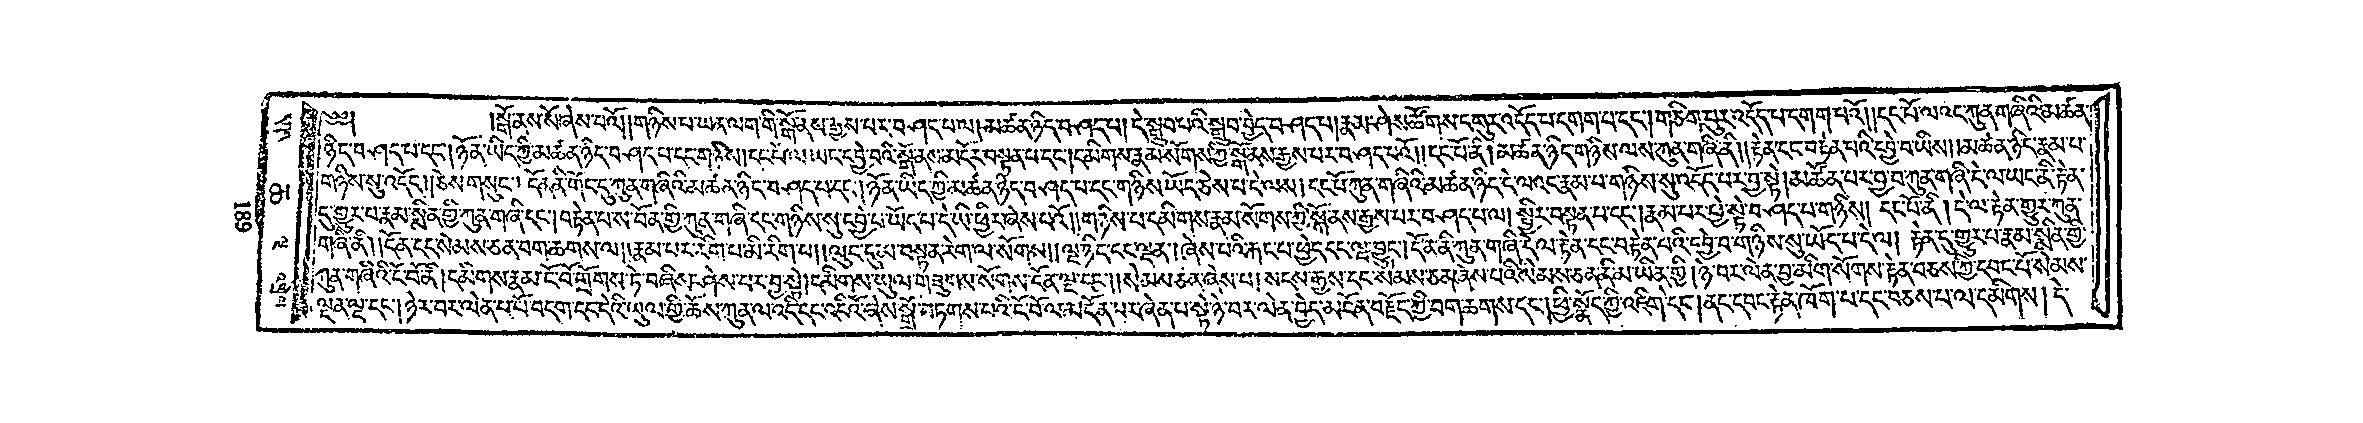༄༅། །སྒོ་ནས་སོ་ཞེས་པའོ། །གཉིས་པ་ཡན་ལག་གི་སྒོ་ནས་རྒྱས་པར་བཤད་པ་ལ། མཚན་ཉིད་བཤད་པ། དེ་སྒྲུབ་པའི་སྒྲུབ་པའི་སྒྲུབ་བྱེད་བཤད་པ། རྣམ་ཤེས་ཚོགས་དགུར་འདོད་པ་དགག་པ་དང་། གཅིག་པུར་འདོད་པ་དགག་པའོ། །དང་པོ་ལའང་ཀུན་གཞིའི་མཚན་
ཉིད་བཤད་པ་དང་། ཉོན་ཡིད་ཀྱི་མཚན་ཉིད་བཤད་པ་དང་གཉིས། དང་པོ་ལ་ཡང་དབྱེ་བའི་སྒོ་ནས་མདོར་བསྟན་པ་དང་། དམིགས་རྣམ་སོགས་ཀྱི་སྒོ་ནས་རྒྱས་པར་བཤད་པའོ། །དང་པོ་ནི། མཚན་ཉིད་གཉིས་ལས་ཀུན་གཞི་ནི། རྟེན་དང་བརྟེན་པའི་དབྱེ་བ་ཡིས། །མཚན་ཉིད་རྣམ་པ་
གཉིས་སུ་འདོད། །ཅེས་གསུང་། དོན་ནི་གོང་དུ་ཀུན་གཞིའི་མཚན་ཉིད་བཤད་པ་དང་། ཉོན་ཡིད་ཀྱི་མཚན་ཉིད་བཤད་པ་དང་གཉིས་ཡོད་ཅེས་པ་དེ་ལས། དང་པོ་ཀུན་གཞིའི་མཚན་ཉིད་དེ་ལའང་རྣམ་པ་གཉིས་སུ་འདོད་པར་བྱ་སྟེ། མཚོན་པར་བྱ་བ་ཀུན་གཞི་དེ་ལ་ཡང་ནི་རྟེན་
དུ་གྱུར་པ་རྣམ་སྨིན་གྱི་ཀུན་གཞི་དང་། བརྟེན་པ་ས་བོན་གྱི་ཀུན་གཞི་དང་གཉིས་སུ་དབྱེ་བ་ཡོད་པ་དེ་ཡི་ཕྱིར་ཞེས་པའོ། །གཉིས་པ་དམིགས་རྣམ་སོགས་ཀྱི་སྒོ་ནས་རྒྱས་པར་བཤད་པ་ལ། སྤྱིར་བསྟན་པ་དང་། རྣམ་པར་ཕྱེ་སྟེ་བཤད་པ་གཉིས། དང་པོ་ནི། དེ་ལ་རྟེན་གྱུར་ཀུན་
གཞི་ནི། །དོན་དང་སེམས་ཅན་བག་ཆགས་ལ། །རྣམ་པར་རིག་པ་མི་རིག་པ། །ལུང་དུ་མ་བསྟན་རེག་པ་སོགས། །ལྔ་ཉིད་དང་ལྡན། ཞེས་པའི་རྐང་པ་ཕྱེད་དང་ལྔ་བྱུང་། དོན་ནི་ཀུན་གཞི་དེ་ལ་རྟེན་དང་བརྟེན་པའི་དབྱེ་བ་གཉིས་སུ་ཡོད་པ་དེ་ལ། རྟེན་དུ་གྱུར་པ་རྣམ་སྨིན་གྱི་
ཀུན་གཞིའི་ངོ་བོ་ནི། དམིགས་རྣམ་ངོ་བོ་གྲོགས་ཏེ་བཞིས་ཤེས་པར་བྱ་སྟེ། དམིགས་ཡུལ་གཟུགས་སོགས་དོན་ལྔ་དང་། །སེམས་ཅན་ཞེས་པ། སངས་རྒྱས་དང་སེམས་ཅན་ཞེས་པའི་སེམས་ཅན་ནི་མ་ཡིན་གྱི། ཉེ་བར་ལེན་བྱ་མིག་སོགས་རྟེན་བཅས་ཀྱི་དབང་པོ་སེམས་
ལྡན་ལྔ་དང་། ཉེར་བར་ལེན་པ་པོ་བདག་དང་དེའི་ཡུལ་གྱི་ཆོས་ཀུན་ལ་འདི་དང་འདིའ་ཞེས་སྒྲོ་བཏགས་པའི་ངོ་བོ་ལ་མངོན་པར་ཞེན་པ་སྟེ་ཉེ་བར་ལེན་བྱེད་མངོན་བརྗོད་ཀྱི་བག་ཆགས་དང་། ཕྱི་སྣོད་ཀྱི་འཇིག་དང་། ནང་དབང་རྟེན་ཁོག་པ་དང་བཅས་པ་ལ་དམིགས། དེ་